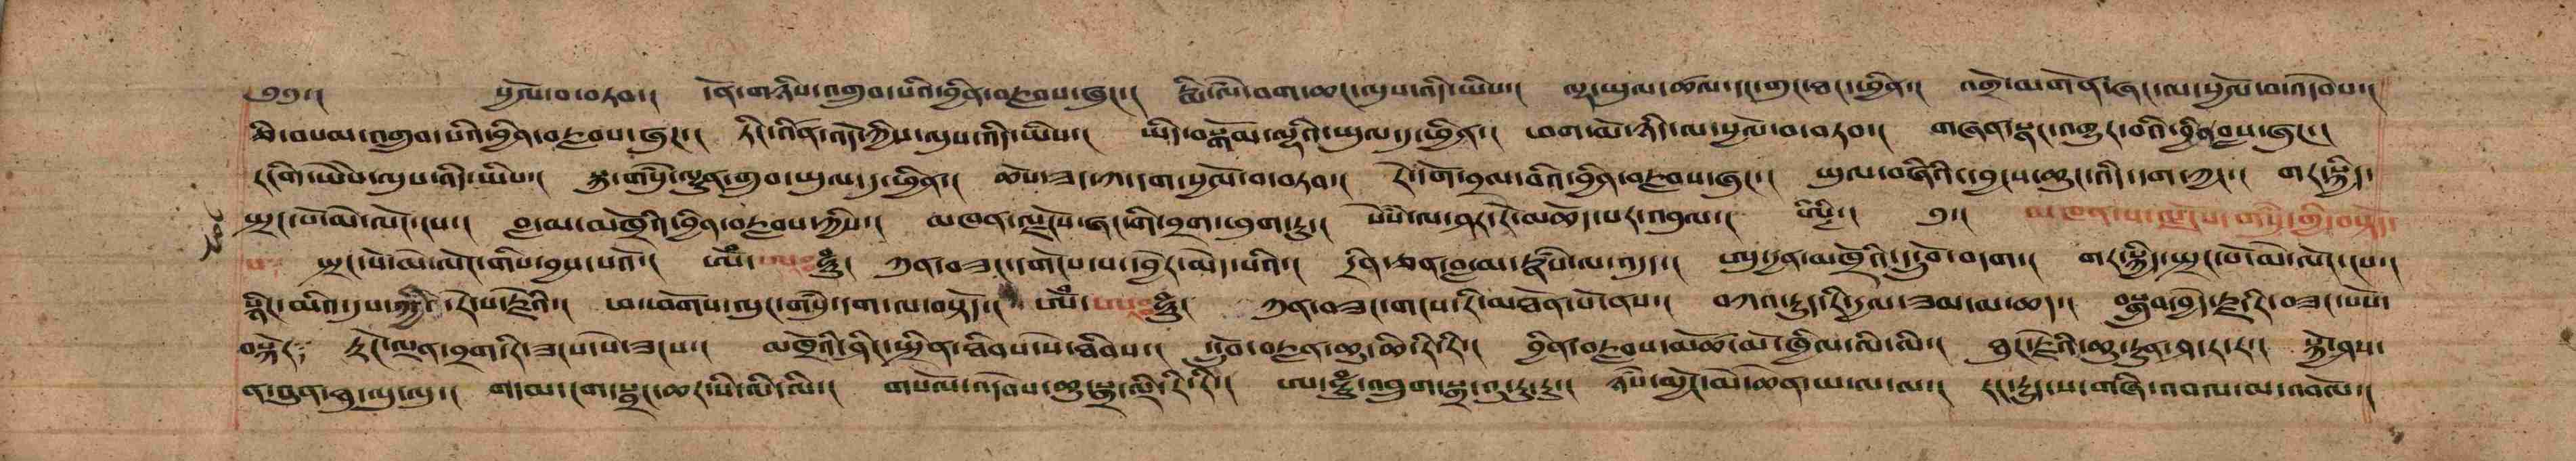༄༅་། གསོལ་བ་བཏབ། དོན་གཉིས་འགྲུབ་པའི་བྱིན་བརླབས་ཞུགས། རྨི་ལམ་བག་ཆགས་ལུས་འདི་ཡིས། ལྷ་ཡུམ་ཚལ་དང་གུང་ཐང་ཕྱིན། འགྲོ་མགོན་ཞང་ལ་གསོལ་བ་འདེབས། 
ཅི་བསམ་འགྲུབ་པའི་བྱིན་བརླབས་ཞུགས། ཏིང་འཛིན་འོད་ཀྱིས་ལུས་འདི་ཡིས། ཡིད་བསྒོམ་ལྷའི་ཡུལ་དུ་ཕྱིན། ཕག་མོ་ཉིད་ལ་གསོལ་བ་བཏབ། གཞན་སྣང་འགྱུར་བའི་བྱིན་བརླབས་ཞུགས། 
རང་རིག་ཡེ་ཤེས་ལུས་འདི་ཡིས། སྐུ་གསུམ་ལྷུན་གྲུབ་ཡུལ་དུ་ཕྱིན། ཆོས་ཟད་ཀ་དག་གསོལ་བ་བཏབ། རེ་དོག་བྲལ་བའི་བྱིན་བརླབས་ཞུགས། ཡུལ་བཞིའི་དབྱངས་ཆུང་འདི་དག་ཀྱང་། གར་སྐྱིད་
སྤྲང་པོ་མེ་ལོང་ངས། བླ་མ་མཁའ་འགྲོའི་བྱིན་བརླབས་ཀྱིས། མཁན་ལྗོངས་ཞང་གི་བྲག་ཕུག་ཏུ། སེམས་ལ་ཤར་རོ་མཆོད་པར་འབུལ། ཨིཊི། ༄་། མཁན་པ་ལྗོངས་གསུམ་གྱི་བསྟོད་
པ༑ སྤྲང་པོ་མེ་ལོང་གིས་བྱས་པའོ། ཨོཾ་ཨཱཿཧཱུཾ། ཀུན་བཟང་དགོངས་པ་དབྱེར་མེད་པའི། དྲིན་ཅན་བླ་མ་རྣམས་ལ་འདུད། ཨུ་རྒྱན་མཁའ་འགྲོའི་དངོས་གྲུབ་བདག། གར་སྐྱིད་སྤྲང་པོ་མེ་ལོང་ངས། 
སྙིགས་མའི་དུས་ཀྱི་རེ་ས་རྗེའི། ཕ་ཕོགས་ལུང་གསུམ་དག་ལ་བསྟོད། ཨོཾ་ཨཱཿཧཱུཾ། ཀུན་བཟང་གངས་རི་མཐོན་པོ་ནས། བཀའ་རྒྱུད་རི་རྒྱལ་ཟམ་མ་ཆད། བསྒྲུབ་བྱེད་རྫ་རི་བཟང་པོས་
བསྐོར༑ རྟོགས་ལྡན་བྲག་རི་ཟངས་སེ་ཟངས། མཁའ་འགྲོའི་ཤིང་སྤྲིན་ཐེབས་སེ་ཐེབས། དངོས་གྲུབ་བརླན་ཆུ་ཆི་རི་རི། བྱིན་བརླབས་མཚོ་མོ་ཁྱིམ་ལི་ལི། ཐུགས་རྗེའི་ཆུ་རྒྱུན་ཤ་ར་ར། སྐྱོ་ཤས་
ན་བུན་ཐུ་ལུ་ལུ། གདན་ངག་སྦྲང་ཆར་སི་ལི་ལི། གསོལ་འདེབས་ཆུ་སྒྲ་ལྡི་རི་རི། ཨ་ཧཱུཾ་འབྲུག་སྒྲ་འུ་རུ་རུ། ཉམས་མྱོང་མེ་ཆེན་ཡ་ལ་ལ། རང་རྒྱུད་ས་གཞི་འབལ་མ་འབོལ།